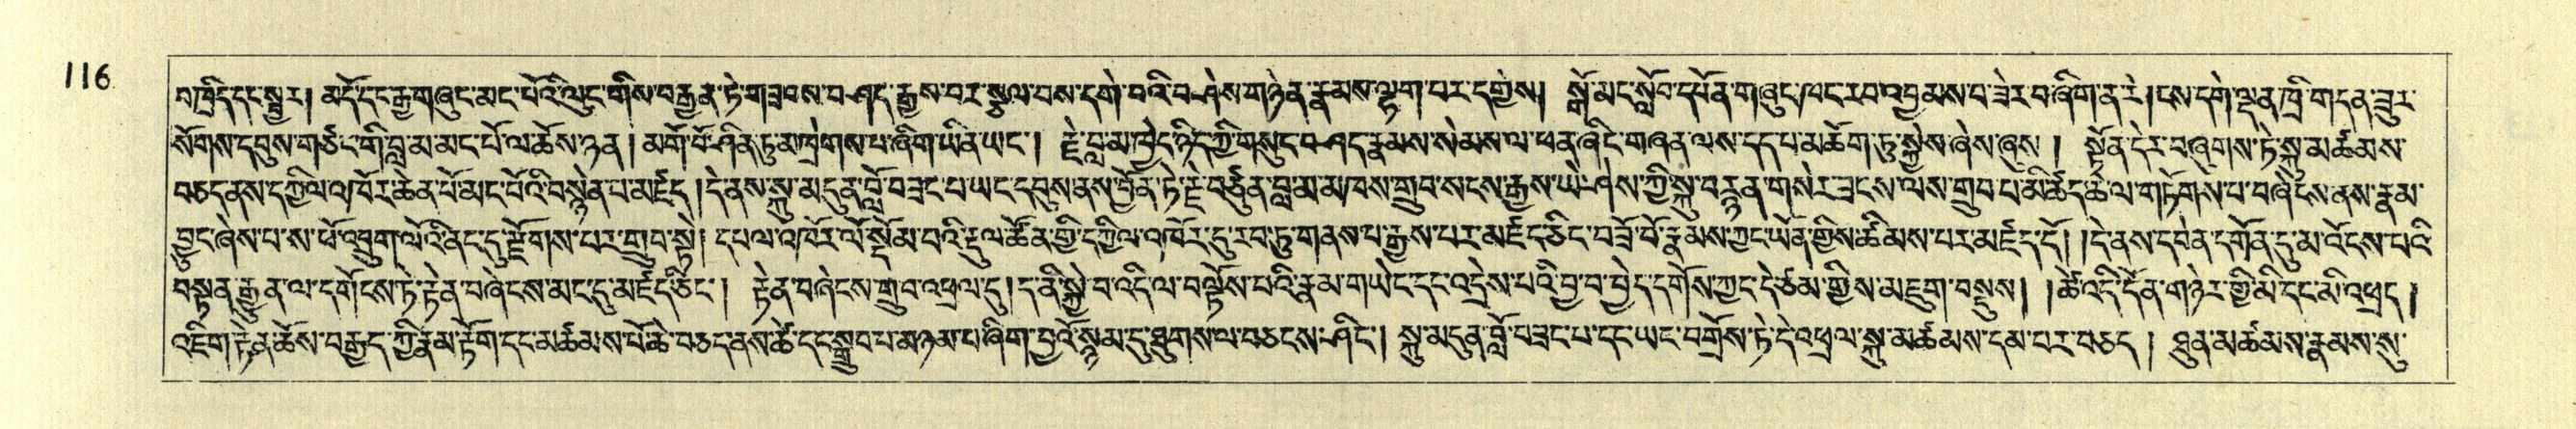བྑྲིད་དང་སྦྱར། མདོ་དང་རྒྱ་གཞུང་མང་པོའི་ལུང་གིས་བརྒྱན་ཏེ་གཟབས་བཤད་རྒྱས་བར་སྩལ་བས་དགེ་བའི་བཤེས་གཉེན་རྣམས་ལྷག་པར་དགྱེས། སྒོ་མང་སློབ་དཔོན་གཞུང་ཁང་རབ་འབྱམས་བ་ཟེར་བ་ཞིག་ན་རེ། ངས་དགེ་ལྡན་ཁྲི་གདན་ཟུར་
སོགས་དབུས་གཙང་གི་བླ་མ་མང་པོ་ལ་ཆོས་ཉན། མགོ་བོ་ཤིན་ཏུ་མཁྲེགས་པ་ཞིག་ཡིན་ཡང་། རྗེ་བླ་མ་ཁྱེད་ཉིད་ཀྱི་གསུང་བཤད་རྣམས་སེམས་ལ་ཕན་ཞིང་གཞན་ལས་དད་པ་མཆོག་ཏུ་སྐྱེས་ཞེས་ཞུས། སྟོན་དེར་བཞུགས་ཏེ་སྐུ་མཚམས་
བཅད་ནས་དཀྱིལ་འཁོར་ཆེན་པོ་མང་པོའི་བསྙེན་པ་མཛད་།དེ་ནས་སྐུ་མདུན་བློ་བཟང་པ་ཡང་དབུས་ནས་བྱོན་ཏེ་རྗེ་བཙུན་བླ་མ་མཁས་གྲུབ་སངས་རྒྱས་ཡེ་ཤེས་ཀྱི་སྐུ་བརྙན་གསེར་ཟངས་ལས་གྲུབ་པ་མི་ཚད་ཆེ་ལ་གཏོགས་པ་བཞེངས་ནས་རྣམ་
བྱུང་ཞེས་པ་ས་ཕོ་འབྲུག་ལོའི་ནང་དུ་རྫོགས་པར་གྲུབ་སྟེ། དཔལ་འཁོར་ལོ་སྡོམ་པའི་རྡུལ་ཚོན་གྱི་དཀྱིལ་འཁོར་དུ་རབ་ཏུ་གནས་པ་རྒྱས་པར་མཛད་ཅིང་བཟོ་བོ་རྣམས་ཀྱང་ཡོན་གྱིས་ཚིམས་པར་མཛད་དོ། །དེ་ནས་དབེན་དགོན་དུ་མ་འོངས་པའི་
བསྟན་རྒྱུན་ལ་དགོངས་ཏེ་རྟེན་བཞེངས་མང་དུ་མཛད་ཅིང་། རྟེན་བཞེངས་གྲུབ་འཕྲལ་དུ། ད་ནི་སྐྱེ་བ་འདི་ལ་བལྟོས་པའི་རྣམ་གཡེང་དང་འདྲེས་པའི་བྱ་བ་བྱེད་དགོས་ཀྱང་དེ་ཙམ་གྱིས་མཇུག་བསྡུས། །ཚེ་འདི་དོན་གཉེར་གྱི་མི་དང་མི་འཕྲད།
འཇིག་རྟེན་ཆོས་བརྒྱད་ཀྱི་རྣམ་རྟོག་དང་མཚམས་པོ་ཆེ་བཅད་ནས་ཚེ་དང་སྒྲུབ་པ་མཉམ་པ་ཞིག་བྱའོ་སྙམ་དུ་ཐུགས་ལ་བཅངས་ཤིང་། སྐུ་མདུན་བློ་བཟང་པ་དང་ཡང་བགྲོས་ཏེ་དེ་འཕྲལ་སྐུ་མཚམས་དམ་པར་བཅད། ཐུན་མཚམས་རྣམས་སུ་